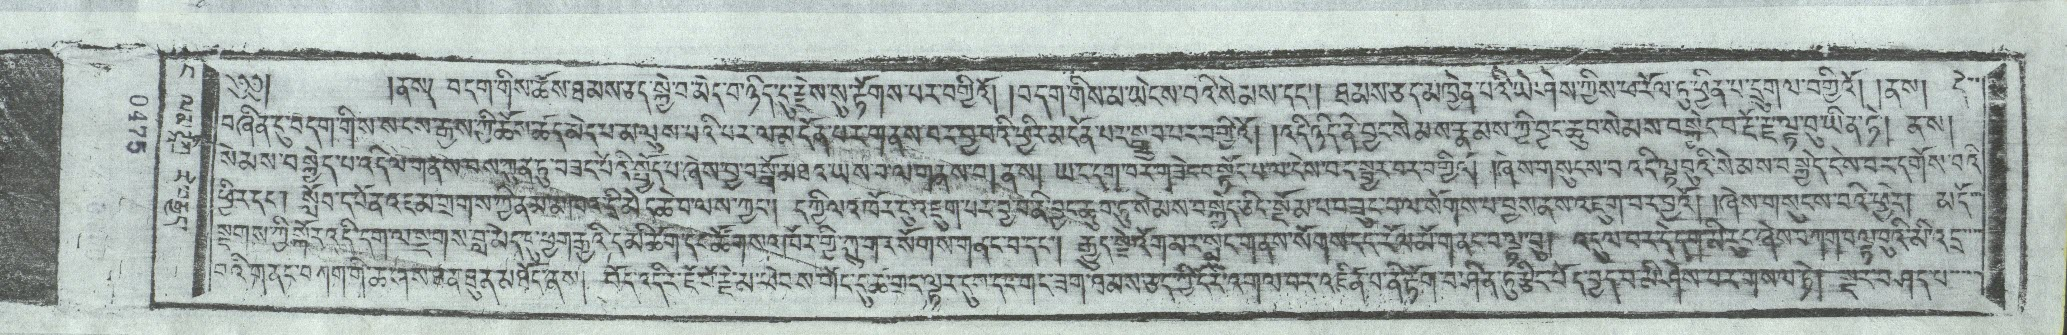༄༅། །ནས༑ བདག་གིས་ཆོས་ཐམས་ཅད་སྐྱེ་བ་མེད་བ་ཉིད་དུ་རྗེས་སུ་རྟོགས་པར་བགྱིའོ། །བདག་གིས་མ་ཡེངས་བའི་སེམས་དང་། ཐམས་ཅད་མཁྱེན་པའི་ཡེ་ཤེས་ཀྱིས་ཕ་རོལ་ཏུ་ཕྱིན་པ་དྲུག་ལ་བགྱིའོ། །ནས། དེ་
བཞིན་དུ་བདག་གིས་སངས་རྒྱས་ཀྱི་ཆོས་ཚད་མེད་པ་མ་ལུས་པའི་པར་ལ་མངོན་པར་གནས་བར་བྱ་བའི་ཕྱིར་མངོན་པར་སྒྲུབ་པར་བགྱིའོ། །འདི་ཉིད་ནི་བྱང་སེམས་རྣམས་ཀྱི་བྱང་ཆུབ་སེམས་བསྐྱེད་པ་རྡོ་རྗེ་ལྟ་བུ་ཡིན་ཏེ། ནས།
སེམས་བསྐྱེད་པ་འདིལ་གནས་བས་ཀུན་ཏུ་བཟང་པོའི་སྤྱོད་པ་ཞེས་བྱ་བ་སྒོ་མཐའ་ཡས་བ་ལ་གནས་བ། ནས། ཡང་དག་བར་གཟེང་བསྟོང་པ་ལ་དེས་པར་སྦྱར་བར་བགྱིའོ། །ཞེས་གསུངས་པ་འདི་ལྟ་བུའི་སེམས་བསྐྱེད་དེས་བར་དགོས་བའི་
ཕྱིར་དང་། སློབ་དཔོན་འཇམ་གྲགས་ཀྱི་ནམ་མཁའ་དྲི་མེད་ཆེ་བ་ལས་ཀྱང་། དཀྱིལ་འཁོར་དུ་འཇུག་པར་བྱ་བ་ནི་བྱང་ཆུབ་ཏུ་སེམས་བསྐྱེད་ཅིང་སྡོམ་པ་བཟུང་བ་ལ་སོགས་པ་བྱས་ནས་འཇུག་བར་བྱའོ། །ཞེས་གསུངས་བའི་ཕྱེར། མདོ་
སྔགས་ཀྱི་སྐོར་འདི་དག་ལ་སྔགས་བླ་མེད་དུ་ཕྱག་རྒྱའི་དམ་ཚིག་དང་ཚོགས་འཁོར་གྱི་ཀླུ་གར་སོགས་གནང་བ་དང་། རྒྱུད་སྡེ་འོག་མར་སྨང་གནས་སོགས་དང་རོལ་མོ་གནང་བ་ལྟ་བུ། འདུལ་བར་དེ་དག་མི་རུང་ཞེས་བཀག་བལྟ་བུའི་མི་འདྲ་
བའི་གནང་བཀག་གི་ཆ་ཤས་ཐན་ཐུན་མཉོད་ནས། བོད་འདིར་ཇོ་བོ་རྗེ་མ་ཕེབས་གོང་དུ་ཚ་གྲང་ལྟར་དུས་དང་གང་ཟག་ཐམས་ཅད་ཀྱི་ངོར་འགལ་བར་འཛིན་པ་ནི་རྟོག་པ་ཤིན་ཏུ་རྩིར་པོ་དབྱད་བ་མི་ཤེས་པར་གསལ་ཏེ། སྔར་བཤད་པ་